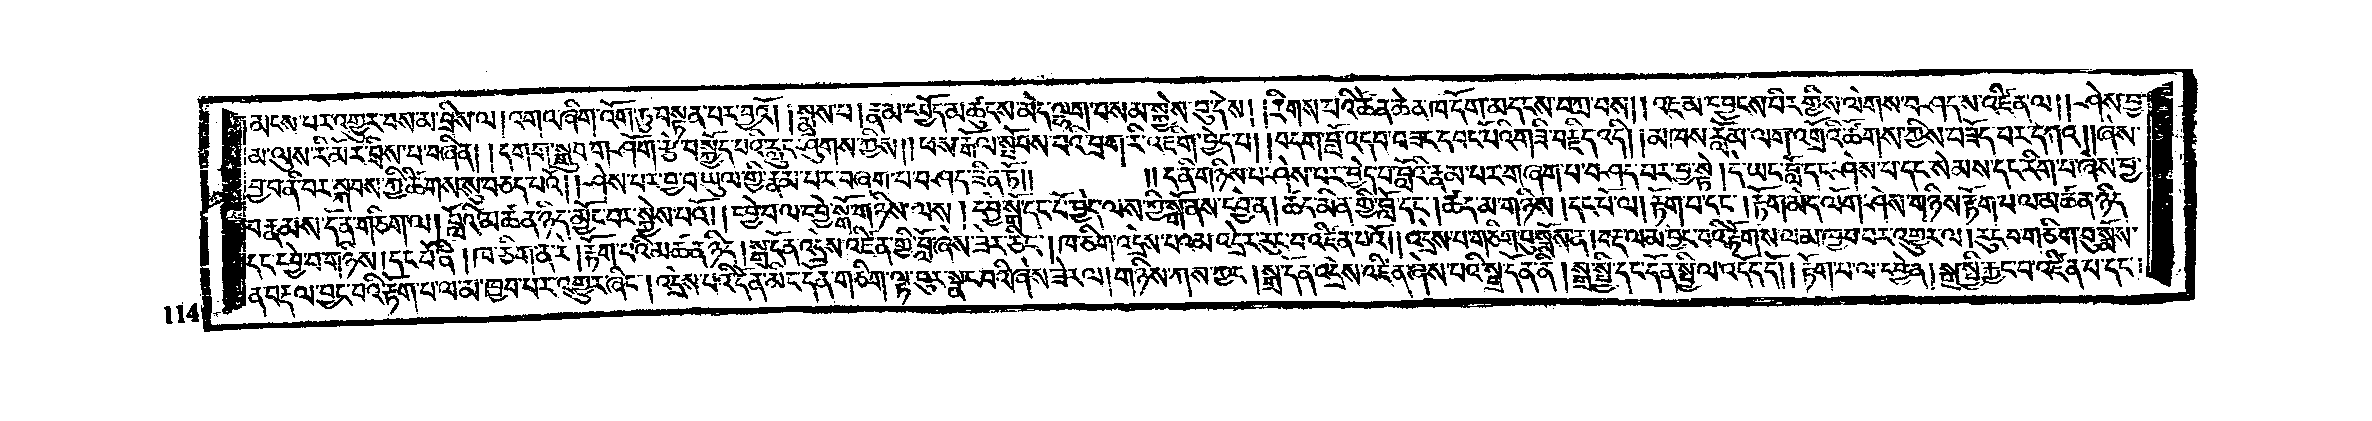མངས་པར་འགྱུར་བས་མ་བྲིས་ལ། འགའ་ཞིག་འོག་ཏུ་བསྟན་པར་བྱའོ། །སྨྲས་པ། རྣམ་དཔྱོད་མཚུངས་མེད་ལྷག་བསམ་སྐྱེས་བུ་དེས། །རིགས་པའི་ཚོན་ཆེ་ཁ་དོག་མདངས་བཀྲ་བས། །འཇམ་དབྱངས་པར་གྱིས་ལེགས་བཤད་ས་འཛིན་ལ། །ཤེས་བ་
མ་ལུས་རི་མོར་བྲིས་པ་བཞིན། །དགག་སྒྲུབ་གང་ཤོག་རྩེ་བསྐྱེད་པའི་རླུང་ཤུགས་ཀྱིས། །ཕས་རྒོལ་སྤོབས་པའི་རག་རི་འཇིག་བྱེད་པ། །བདག་བོ་འདབ་བཟང་དབང་པོའི་གཟི་བརྗིད་འདི། །མཁས་རློམ་ལག་འགྲོའི་ཚོགས་ཀྱིས་བཟོད་པར་དཀའ། །ཞེས་
བྱ་བ་ནི་བར་སྐབས་ཀྱི་ཚིགས་སུ་བཅད་པའོ། །ཤེས་པར་བྱ་བ་ཡུལ་གྱི་རྣམ་པར་བཞག་པ་བཤད་ཟིན་ཏོ།། །།ད་ནི་གཉིས་པ་ཤེས་པར་བྱེད་པ་བློའི་རམ་པར་གཞག་པ་བཤད་པར་ཡ་སྟེ། དེ་ཡང་བློ་དང་ཤེས་པ་དག་སེམས་དག་རིག་པ་ཞེས་བྱ་
བ་རྣམས་དོན་གཅིག་ལ། བློའི་མཚན་ཉིད་མྱོང་བར་སྐྱེས་པའོ། དབྱེ་བ་ལ་དབྱེ་སྒོ་གཉིས་ལས། དབྱེ་སྒོ་དང་པོ་བྱེད་ལས་ཀྱི་སྒོ་ནས་དབྱེ་ན། ཚད་མིན་གྱི་བློ་དང་། ཚད་མ་གཉིས། དང་པོ་ལ། རྟོག་པ་དང་། རྟོག་མེད་ལོག་ཤེས་གཉིས་རྟོག་པ་ལ་མཚན་ཉིད་
དང་དབྱེ་བ་གཉིས། དང་པོའི། ཁ་ཅིག་ན་རེ། རྟོག་པའི་མཚན་ཉིད། སྒྲ་དོན་འདྲེས་འཛིན་གྱི་ལོ་ཞེས་ཟེར་ཅིང་། ཁ་ཅིག་འདྲེས་པའམ་དཔེར་རུང་བ་འཛིན་པའོ། །འདྲེས་པ་གཅིག་པུ་སྨོས་ན། བརྡལ་མ་བྱང་བའི་རྟོག་པ་ལ་མ་ཁྱབ་པར་འགྱུར་ལ། རུང་བ་གཅིག་པུ་སྨོས་
ནང་རྡལ་བྱང་བའི་རྟོག་པ་ལ་མ་ཁྱད་པར་འགྱུར་ཞིང་། འདྲེས་པའི་དོན་མིང་དོན་གཅིག་ལྟ་བུར་སག་བའི་ཞེས་ཟེར་ལ། གྱིས་ཀས་ཀྱང་། སྒྲ་དོན་འདྲེས་འཛིན་ཞེས་པའི་སྒྲ་དོན་ནི། སྒྲ་སྤྱི་དང་དོན་སྤྱི་ལ་འདོད་དོ། །རྟོག་པ་ལ་དབྱེ་ན། སྒྲ་སྤྱི་རྐྱང་པ་འཛིན་པ་དང་།